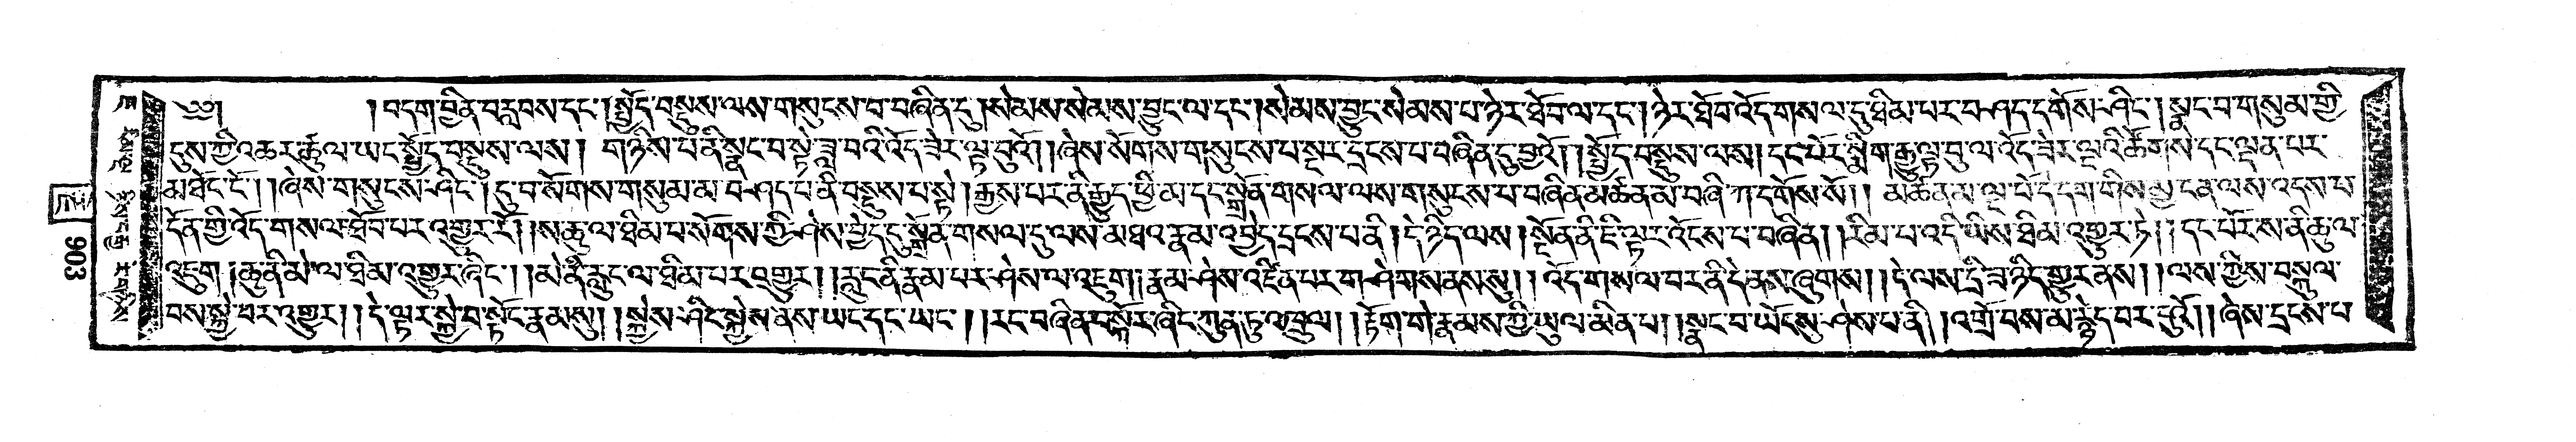༄༅། །བདག་བྱིན་བརླབས་དང་། སྤྱོད་བསྡུས་ལས་གསུངས་པ་བཞིན་དུ། སེམས་སེམས་བྱུང་ལ་དང་། སེམས་བྱུང་སེམས་པ་ཉེར་ཐོབ་ལ་དང་། ཉེར་ཐོབ་འོད་གསལ་དུ་ཐིམ་པར་བཤད་དགོས་ཤིང་། སྣང་བ་གསུམ་གྱི་
དུས་ཀྱི་འཆར་ཚུལ་ཡང་སྤྱོད་བསྡུས་ལས། གཉིས་པ་ནི་སྣང་བ་སྟེ་ཟླ་བའི་འོད་ཟེར་ལྟ་བུའོ། །ཞེས་སོགས་གསུངས་པ་སྔར་དྲངས་པ་བཞིན་དུ་བྱའོ། །སྤྱོད་བསྡུས་ལས། དང་པོར་སྨིག་རྒྱུ་ལྟ་བུ་ལ་འོད་ཟེར་ལྔའི་ཚོགས་དང་ལྡན་པར་
མཐོང་ངོ། །ཞེས་གསུངས་ཤིང་། དུ་བ་སོགས་གསུམ་མ་བཤད་པ་ནི་བསྡུས་པ་སྟེ། རྒྱས་པར་ནི་རྒྱུད་ཕྱི་མ་དང་སྒྲོན་གསལ་ལས་གསུངས་པ་བཞིན་མཚན་མ་བཞི་ཀ་དགོས་སོ། །མཚན་མ་ལྔ་པོ་དེ་དག་གིས་མྱ་ངན་ལས་འདས་པ་
དོན་གྱི་འོད་གསལ་ཐོབ་པར་འགྱུར་རོ། །ས་ཆུ་ལ་ཐིམ་པ་སོགས་ཀྱི་ཤེས་བྱེད་དུ་སྒྲོན་གསལ་དུ་ལས་མཐའ་རྣམ་འབྱེད་དྲངས་པ་ནི། དེ་ཉིད་ལས། སྔོན་ནི་ཇི་ལྟར་འོངས་པ་བཞིན། །རིམ་པ་འདི་ཡིས་ཐིམ་འགྱུར་ཏེ། །དང་པོར་ས་ནི་ཆུ་ལ་
འཇུག །ཆུ་ནི་མེ་ལ་ཐིམ་འགྱུར་ཞིང་། །མེ་ནི་རླུང་ལ་ཐིམ་པར་འགྱུར། །རླུང་ནི་རྣམ་པར་ཤེས་ལ་འཇུག །རྣམ་ཤེས་འཛིན་པར་གཤེགས་ནས་སུ། །འོད་གསལ་བར་ནི་དེ་ནས་ཞུགས། །དེ་ལས་དྲི་ཟ་ཉིད་གྱུར་ནས། །ལས་ཀྱིས་བསྐུལ་
བས་སྐྱེ་བར་འགྱུར། །དེ་ལྟར་སྐྱེ་བ་སྟོང་རྣམས་སུ། །སྐྱེས་ཤིང་སྐྱེས་ནས་ཡང་དང་ཡང་། །རང་བཞིན་བསྐོར་ཞིང་ཀུན་ཏུ་འཁྲུལ། །རྟོག་གེ་རྣམས་ཀྱི་ཡུལ་མིན་པ། །སྣང་བ་ཡོངས་སུ་ཤེས་པ་ནི། །འགྲོ་བས་མ་རྙེད་བར་དུའོ། །ཞེས་དྲངས་པ་